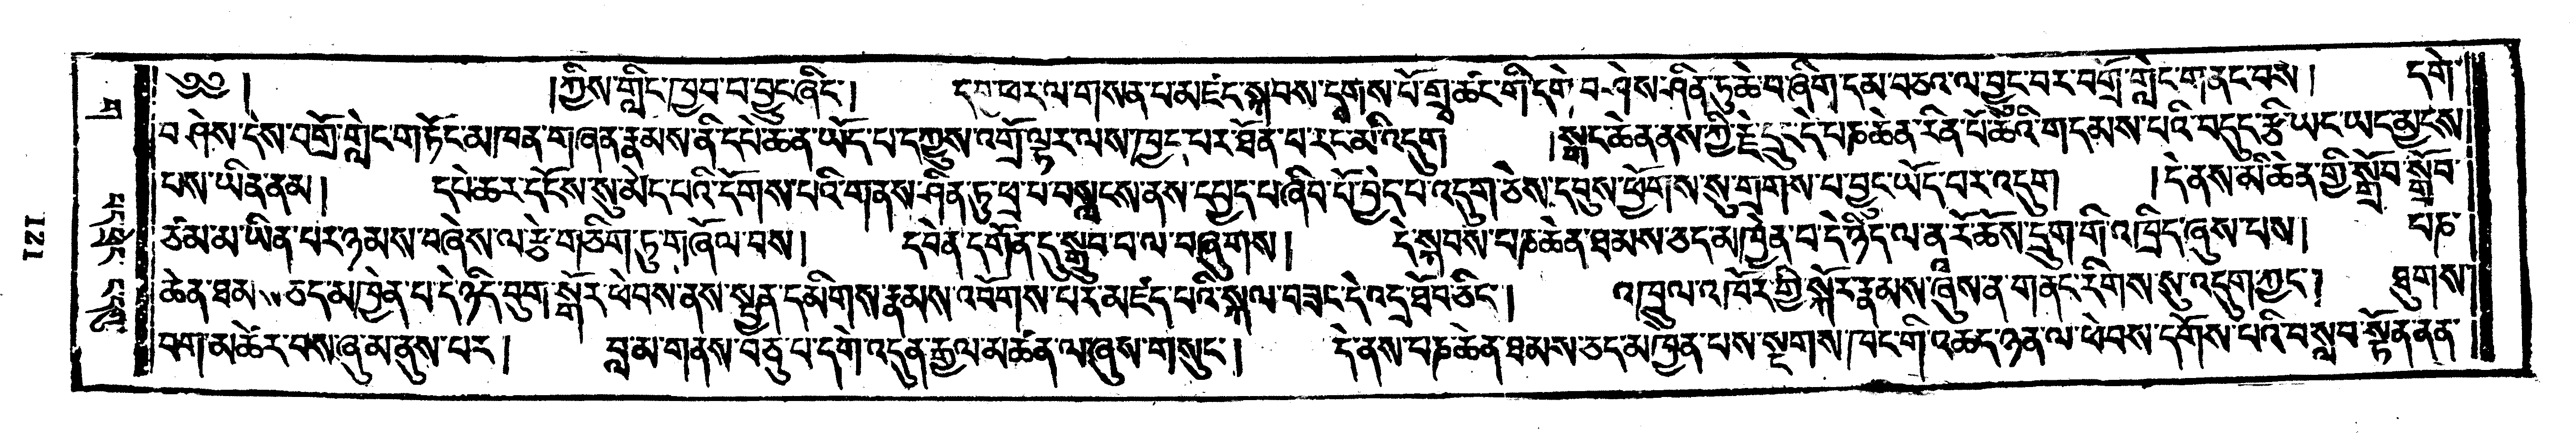༄༅། །ཀྱིས་གླིང་ཁྱབ་པ་བྱུང་ཞིང་། དབུ་ཕར་ལ་གསན་པ་མཛད་སྐབས་དྭགས་པོ་གྲྭ་ཚང་གི་དགེ་བཤེས་ཤིན་ཏུ་ཆེ་བ་ཞིག་དམ་བཅའ་ལ་བྱུང་བར་བགྲོ་གླེང་གནང་བས། དགེ་
བཤེས་དེས་བགྲོ་གླེང་གཏོང་མཁན་གཞན་རྣམས་ནི་དཔེ་ཆན་ཡོད་པ་དཀྱུས་འགྲོ་ལྟར་ལས་ཁྱད་པར་ཐོན་པ་རང་མི་འདུག །སྒང་ཆེན་ནས་ཀྱི་རྗེ་དྲུང་དེ་པཎ་ཆེན་རིན་པོ་ཆེའི་གདམས་པའི་བདུད་རྩི་ཡང་ཡང་མྱངས་
པས་ཡིན་ནམ། དཔེ་ཆར་དངོས་སུ་མེད་པའི་དོགས་པའི་གནས་ཤིན་ཏུ་ཕྲ་པ་བསླངས་ནས་དཔྱད་པ་ཞིབ་པོ་བྱེད་པ་འདུག་ཅེས་དབུས་ཕྱོགས་སུ་གྲགས་པ་བྱུང་ཡོད་པར་འདུག །དེ་ནས་མི་ཆེན་གྱི་སྒྲོབ་སྒྲོབ་
ཙམ་མ་ཡིན་པར་ཉམས་བཞེས་ལ་རྩེ་གཅིག་ཏུ་གཞོལ་བས། དབེན་དགོན་དུ་སྒྲུབ་པ་ལ་བཞུགས། དེ་སྐབས་པཎ་ཆེན་ཐམས་ཅད་མཁྱེན་པ་དེ་ཉིད་ལ་ནཱ་རོ་ཆོས་དྲུག་གི་འཁྲིད་ཞུས་པས། པཎ་
ཆེན་ཐམས་ཅད་མཁྱེན་པ་དེ་ཉིད་བུག་སྒོར་ཕེབས་ནས་སྤྱན་དམིགས་རྣམས་འབོགས་པར་མཛད་པའི་སྐལ་བཟང་དེ་འདྲ་ཐོབ་ཅིང་། འཁྲུལ་འཁོར་གྱི་སྐོར་རྣམས་ཞུས་ན་གནང་རིགས་སུ་འདུག་ཀྱང་། ཐུགས་
བག་མཚེར་བས་ཞུ་མ་ནུས་པར། བླ་མ་གནས་བཅུ་པ་དགེ་འདུན་རྒྱལ་མཚན་ལ་ཞུས་གསུང་། དེ་ནས་པཎ་ཆེན་ཐམས་ཅད་མཁྱེན་པས་སྔགས་ཁང་གི་འཆད་ཉན་ལ་ཕེབས་དགོས་པའི་བསླབ་སྟོན་ནན་